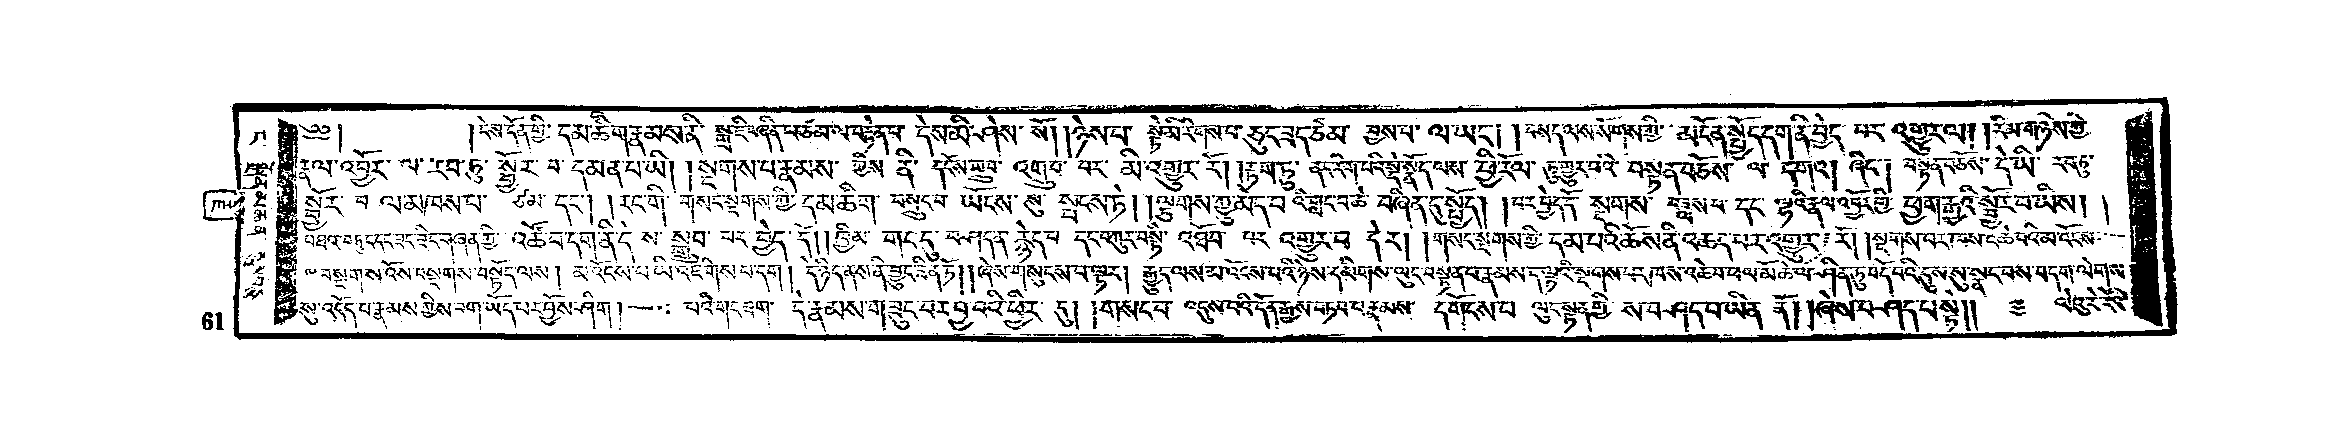༄༅། ། ངེས་དོན་གྱི་དམ་ཚིག་རྣམས་ནི་སྒྲ་ཇི་བཞིན་པ་ཙམ་ལ་བརྟེན་པ་དེས་མི་ཤེས་སོ། །ཉེས་པ་སྟེ་མི་རིགས་པ་ཅུང་ཟད་ཙམ་བྱས་པ་ལ་ཡང་། ། བསད་ལས་སོགས་ཀྱི་མངོན་སྤྱོད་དག་ནི་བྱེད་པར་འགྱུར་ལ། །རིམ་གཉིས་ཀྱི་
རྣལ་འབྱོར་ལ་རབ་ཏུ་སྦྱོར་བ་དམན་པ་ཡི། །སྔགས་པ་རྣམས་ཀྱིས་ནི་དངོས་གྲུབ་འགྲུབ་པར་མི་འགྱུར་རོ། །རྟག་ཏུ་ནང་རིག་པའི་སྡེ་སྣོད་ལས་ཕྱི་རོལ་ཏུ་གྱུར་པའི་བསྟན་བཅོས་ལ་དགའ། ཞིང་། བསྟན་བཅོས་དེ་ཡི་རབ་ཏུ་
སྦྱོར་བ་ལ་མཁས་པ། ཙམ་དང་། །རང་གི་གསང་སྔགས་ཀྱི་དམ་ཚིག་བསྲུང་བ་ཡོངས་སུ་སྤངས་ཏེ། །ལྕགས་ཀྱུ་མེད་པའི་གླང་པོ་ཆེ་བཞིན་དུ་སྤྱོད། །བར་བྱེད་དོ་སྔགས་བཟླས་པ་དང་། ལྷའི་རྣལ་འབྱོར་གྱི་ཕྱག་རྒྱའི་སྦྱོར་བ་ཡིས། །
བྠའ་བཏུང་དང་ཟང་ཟིང་གཞན་གྱི་འཚོ་བ་དག་ནི་དེས་སྒྲུབ་པར་བྱེད་དོ། །ཁྱིམ་གང་དུ་བཤད་ན་རྙེད་པ་དང་བཀུར་བསྟི་འཐོབ་པར་འགྱུར་བ་དེར། །གསང་སྔགས་ཀྱི་དམ་པའི་ཆོས་ནི་འཆད་པར་འགྱུར་རོ། །སྔགས་པར་ཁས་འཆེ་བའི་མ་འོངས་
༧བསྔགས་འོས་བསྔགས་བསྟོད་ལས། མ་འོངས་པ་ཡི་འཇིགས་པ་དག །དེ་ཉིད་ནས་ནི་བྱུང་ཟིན་ཏོ། །ཞེས་གསུངས་པ་ལྟར། རྒྱུད་ལས་མ་འོངས་པའི་ཉེས་དམིགས་ལུང་བསྟན་པ་རྣམས་ད་ལྟའི་སྔགས་པར་ཁས་འཆེ་བ་ཕལ་མོ་ཆེ་ལ་ཤིན་ཏུ་བདོ་བའི་དུས་སུ་སྣང་བས་བདག་ལེགས་
སུ་འདོད་པ་རྣམས་ཀྱིས་བག་ཡོད་པར་བྱོས་ཤིག །.Hཔའི་གང་ཟག་དེ་རྣམས་གཟུང་བར་བྱ་བའི་ཕྱིར་དུ། །གསང་བ་འདུས་པའི་དོན་རྒྱས་བཏབ་པ་རྣམས་དགོངས་པ་ལུང་སྟན་གྱི་ས་བཤད་པ་ཡིན་ནོ། །ཞེས་བཤད་པ་སྟེ།། ༈ སེའུ་རེ་རེའི་